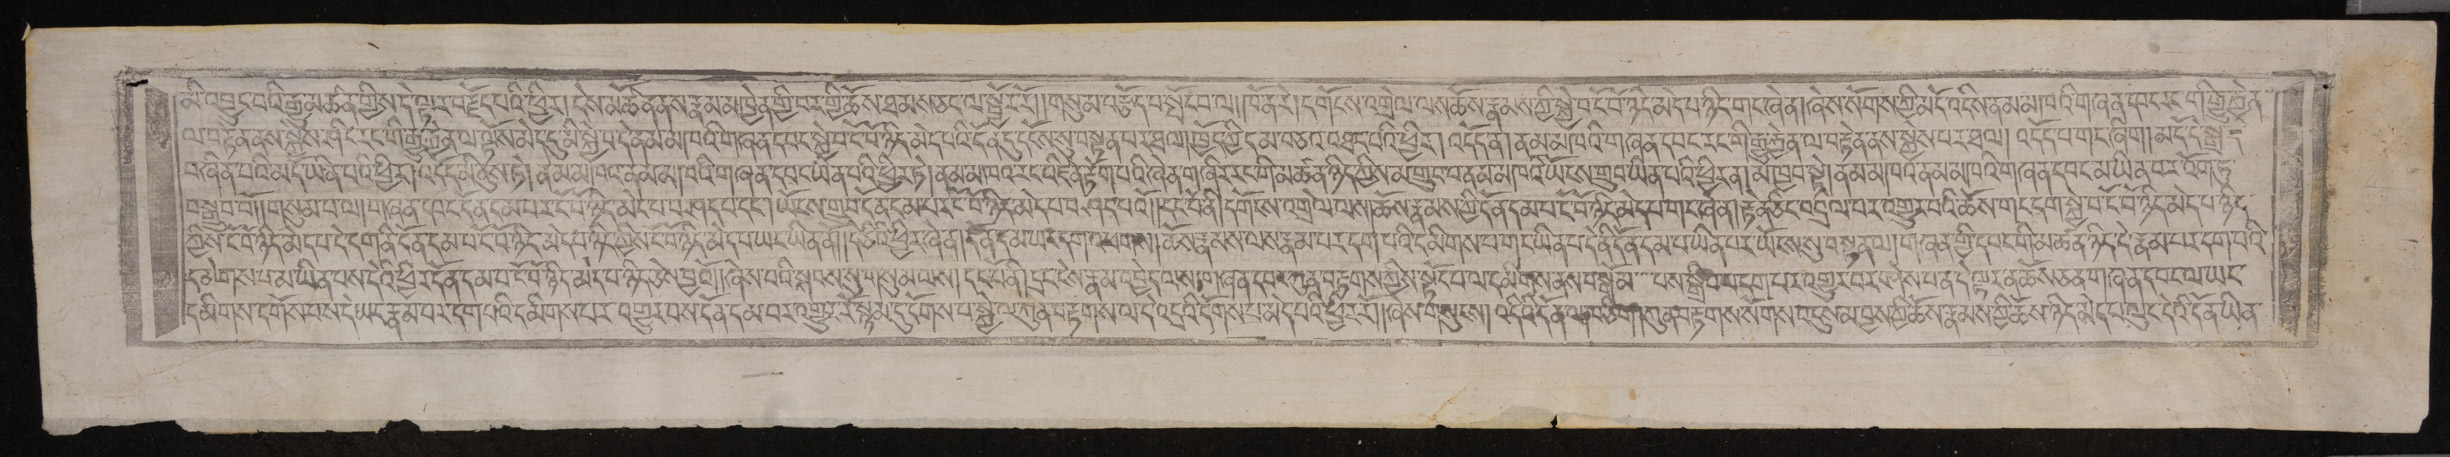མི་འབྱུང་བའི་རྒྱུ་མཚན་གྱིས་དེ་ལྟར་བརྗོད་པའི་ཕྱིར། དེས་མཚོན་ནས་རྣམ་མཁྱེན་གྱི་བར་གྱི་ཆོས་ཐམས་ཅད་ལ་སྦྱོར་རོ། །གསུམ་པ་རྩོད་པ་སྤོང་བ་ལ། ཁོ་ན་རེ། དགོངས་འགྲེལ་ལས་ཆོས་རྣམས་ཀྱི་སྐྱེ་བ་ངོ་བོ་ཉིད་མེད་པ་ཉིད་གང་ཞེ་ན། ཞེས་སོགས་ཀྱི་མདོ་འདིས་ནམ་མཁའི་གཞན་དབང་རང་གི་རྒྱུ་རྐྱེན་
ལ་བརྟེན་ནས་སྐྱེས་ཤིང་རང་གི་རྒྱུ་རྐྱེན་ལ་ལྟོས་མེད་དུ་མི་སྐྱེ་བ་དེ་ནམ་མཁའི་གཞན་དབང་སྐྱེ་བ་ངོ་བོ་ཉིད་མེད་པའི་དོན་དུ་དངོས་སུ་བསྟན་པར་ཐལ། ཁྱོད་ཀྱི་དམ་བཅའ་འཐད་པའི་ཕྱིར། འདོད་ན། ནམ་མཁའི་གཞན་དབང་རང་གི་རྒྱུ་རྐྱེན་ལ་བརྟེན་ནས་སྐྱེས་པར་ཐལ། འདོད་པ་གང་ཞིག། མདོ་དེ་སྒྲ་དེ་
བཞིན་པའི་མདོ་ཡིན་པའི་ཕྱིར། འདོད་མི་ནུས་ཏེ། ནམ་མཁའ་ནམ་མཁའི་གཞན་དབང་ཡིན་པའི་ཕྱིར་ཏེ། ནམ་མཁའ་རང་འཛིན་རྟོག་པའི་ཞེན་གཞིར་རང་གི་མཚན་ཉིད་ཀྱིས་མ་གྲུབ་པ་ནམ་མཁའི་ཡོངས་གྲུབ་ཡིན་པའི་ཕྱིར་ན། མ་ཁྱབ་སྟེ། ནམ་མཁའ་ནམ་མཁའི་གཞན་དབང་མ་ཡིན་པར་འོག་ཏུ་
བསྒྲུབ་བོ། །གསུམ་པ་ལ། གཞན་དབང་དོན་དམ་པར་ངོ་བོ་ཉིད་མེད་པ་བཤད་པ་དང་། ཡོངས་གྲུབ་དོན་དམ་པར་ངོ་བོ་ཉིད་མེད་པ་བཤད་པའོ། །དང་པོ་ནི། དགོངས་འགྲེལ་ལས། ཆོས་རྣམས་ཀྱི་དོན་དམ་པ་ངོ་བོ་ཉིད་མེད་པ་གང་ཞེ་ན། རྟེན་ཅིང་འབྲེལ་པར་འབྱུང་བའི་ཆོས་གང་དག་སྐྱེ་བ་ངོ་བོ་ཉིད་མེད་པ་ཉིད་
ཀྱིས་ངོ་བོ་ཉིད་མེད་པ་དེ་དག་ནི་དོན་དམ་པ་ངོ་བོ་ཉིད་མེད་པ་ཉིད་ཀྱིས་ངོ་བོ་ཉིད་མེད་པ་ཡང་ཡིན་ནོ། །དེ་ཅིའི་ཕྱིར་ཞེ་ན། དོན་དམ་ཡང་དག་འཕགས། ཆོས་རྣམས་ལས་རྣམ་པར་དག་པའི་དམིགས་པ་གང་ཡིན་པ་དེ་ནི་དོན་དམ་པ་ཡིན་པར་ཡོངས་སུ་བསྟན་ལ། གཞན་གྱི་དབང་གི་མཚན་ཉིད་དེ་རྣམ་པར་དག་པའི་
དམིགས་པ་མ་ཡིན་པས་དེའི་ཕྱིར་དོན་དམ་པ་ངོ་བོ་ཉིད་མེད་པ་ཉིད་ཅེས་བྱའོ། །ཞེས་པའི་སྐབས་སུ་གསུམ་ལས། དང་པོ་ནི། དྲང་ངེས་རྣམ་འབྱེད་ལས། གཞན་དབང་ཀུན་བརྟགས་ཀྱིས་སྟོང་པ་ལ་དམིགས་ནས་བསྒོམ་པས་སྒྲིབ་པ་དག་པར་འགྱུར་བར་ཤེས་པ་ན་དེ་ལྟར་ན་ཆོས་ཅན་གཞན་དབང་ལ་ཡང་
དམིགས་དགོས་པས་དེ་ཡང་རྣམ་པར་དག་པའི་དམིགས་པར་འགྱུར་བས་དོན་དམ་པར་འགྱུར་རོ་སྙམ་དུ་དོགས་པ་སྐྱེ་ལ་ཀུན་བརྟགས་ལ་དེ་འདྲའི་དོགས་པ་མེད་པའི་ཕྱིར་རོ། །ཞེས་གསུངས། འདིའི་དོན་ལ་ཁ་ཅིག །ཀུན་བརྟགས་སོགས་འདུས་མ་བྱས་ཀྱི་ཆོས་རྣམས་ཀྱི་ཆོས་ཉིད་མེད་པ་ལུང་དེའི་དོན་ཡིན་